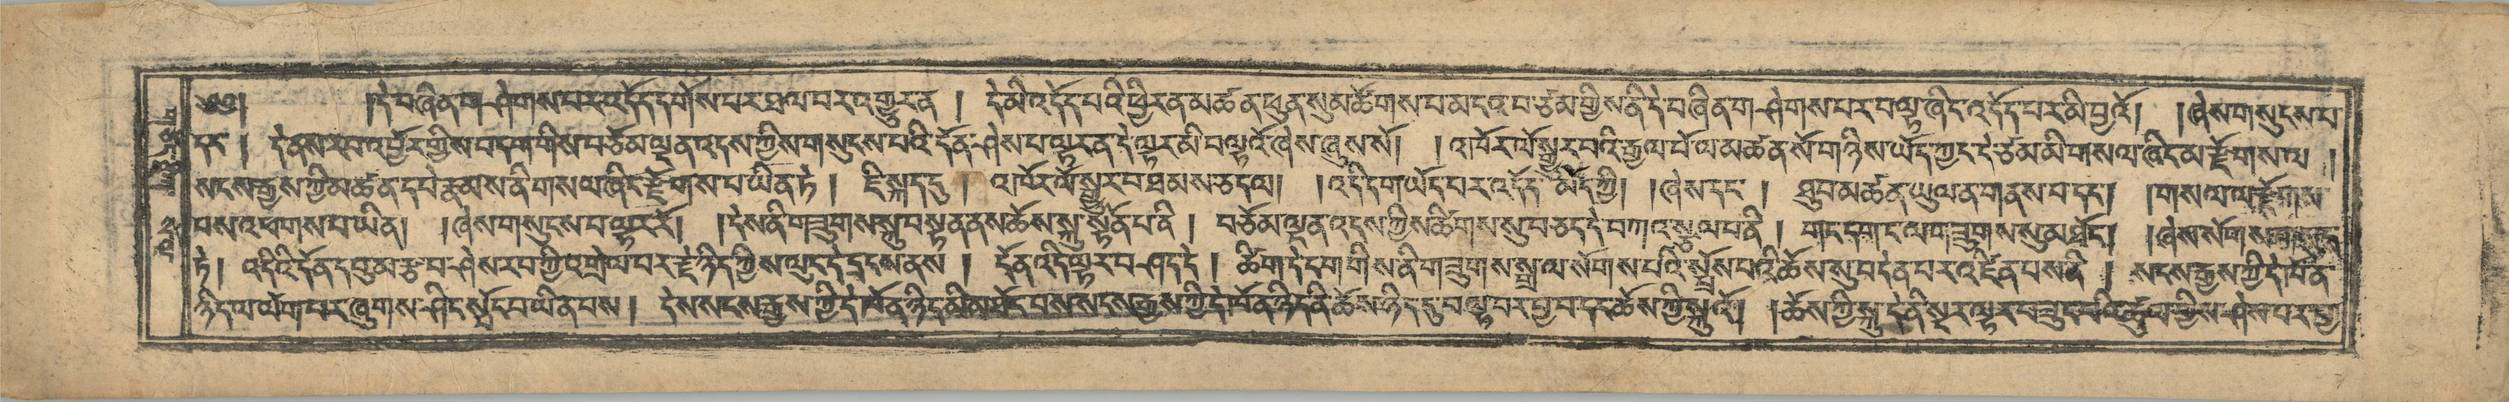༄༅། །དེ་བཞིན་གཤེགས་པར་འདོད་དགོས་པར་ཐལ་བར་འགྱུར་ན། དེ་མི་འདོད་པའི་ཕྱིར་ན་མཚན་ཕུན་སུམ་ཚོགས་པ་མངའ་བ་ཙམ་གྱིས་ནི་དེ་བཞིན་གཤེགས་པར་བལྟ་ཞིང་འདོད་པར་མི་བྱའོ། །ཞེས་གསུངས་པ་
དང་། དེ་ནས་རབ་འབྱོར་གྱིས་བདག་གིས་བཅོམ་ལྡན་འདས་ཀྱིས་གསུངས་པའི་དོན་ཤེས་པ་ལྟར་ན་དེ་ལྟར་མི་བལྟའོ་ཞེས་ཞུས་སོ། །འཁོར་ལོ་སྒྱུར་བའི་རྒྱལ་པོ་ལ་མཚན་སོ་གཉིས་ཡོད་ཀྱང་དེ་ཙམ་མི་གསལ་ཞིང་མ་རྫོགས་ལ།
སངས་རྒྱས་ཀྱི་མཚན་དཔེ་རྣམས་ནི་གསལ་ཞིང་རྫོགས་པ་ཡིན་ཏེ། ཇི་སྐད་དུ། འཁོར་ལོ་སྒྱུར་བ་ཐམས་ཅད་ལ། །འདི་དག་ཡོད་པར་འདོད་མོད་ཀྱི། །ཞེས་དང་། ཐུབ་མཚན་ཡུལ་ན་གནས་པ་དང་། །གསལ་ལ་རྫོགས་
པས་འཕགས་པ་ཡིན། །ཞེས་གསུངས་པ་ལྟར་རོ། །དེས་ནི་གཟུགས་སྐུ་བསྟན་ནས་ཆོས་སྐུ་སྟོན་པ་ནི། བཅོམ་ལྡན་འདས་ཀྱིས་ཚིགས་སུ་བཅད་དེ་བཀའ་སྩལ་པ་ནི། གང་དག་ང་ལ་གཟུགས་སུ་མཐོང་། །ཞེས་སོགས་གསུངས་
ཏེ། འདིའི་དོན་དབུ་མ་རྩ་བ་ཤེས་རབ་ཀྱི་འགྲེལ་པར་རྗེ་ཉིད་ཀྱིས་ལུང་དེ་དྲངས་ནས། དོན་འདི་ལྟར་བཤད་དེ། ཚིག་དེ་དག་གིས་ནི་གཟུགས་སྒྲ་ལ་སོགས་པའི་སྤྲོས་པའི་ཆོས་སུ་བདེན་པར་འཛིན་པས་ནི། སངས་རྒྱས་ཀྱི་དེ་ཁོ་ན་
ཉིད་ལ་ལོག་པར་ཞུགས་ཤིང་སྤོང་བ་ཡིན་པས། དེས་སངས་རྒྱས་ཀྱི་དེ་ཁོ་ན་ཉིད་མི་མཐོང་བས་སངས་རྒྱས་ཀྱི་དེ་ཁོ་ན་ཉིད་ནི་ཆོས་ཉིད་དུ་བལྟ་བར་བྱ་བ་དང་ཆོས་ཀྱི་སྐུའོ། །ཆོས་ཀྱི་སྐུ་དེ་ནི་སྔར་ལྟར་བཟུང་བའི་ཚུལ་གྱིས་ཤེས་པར་བྱ་